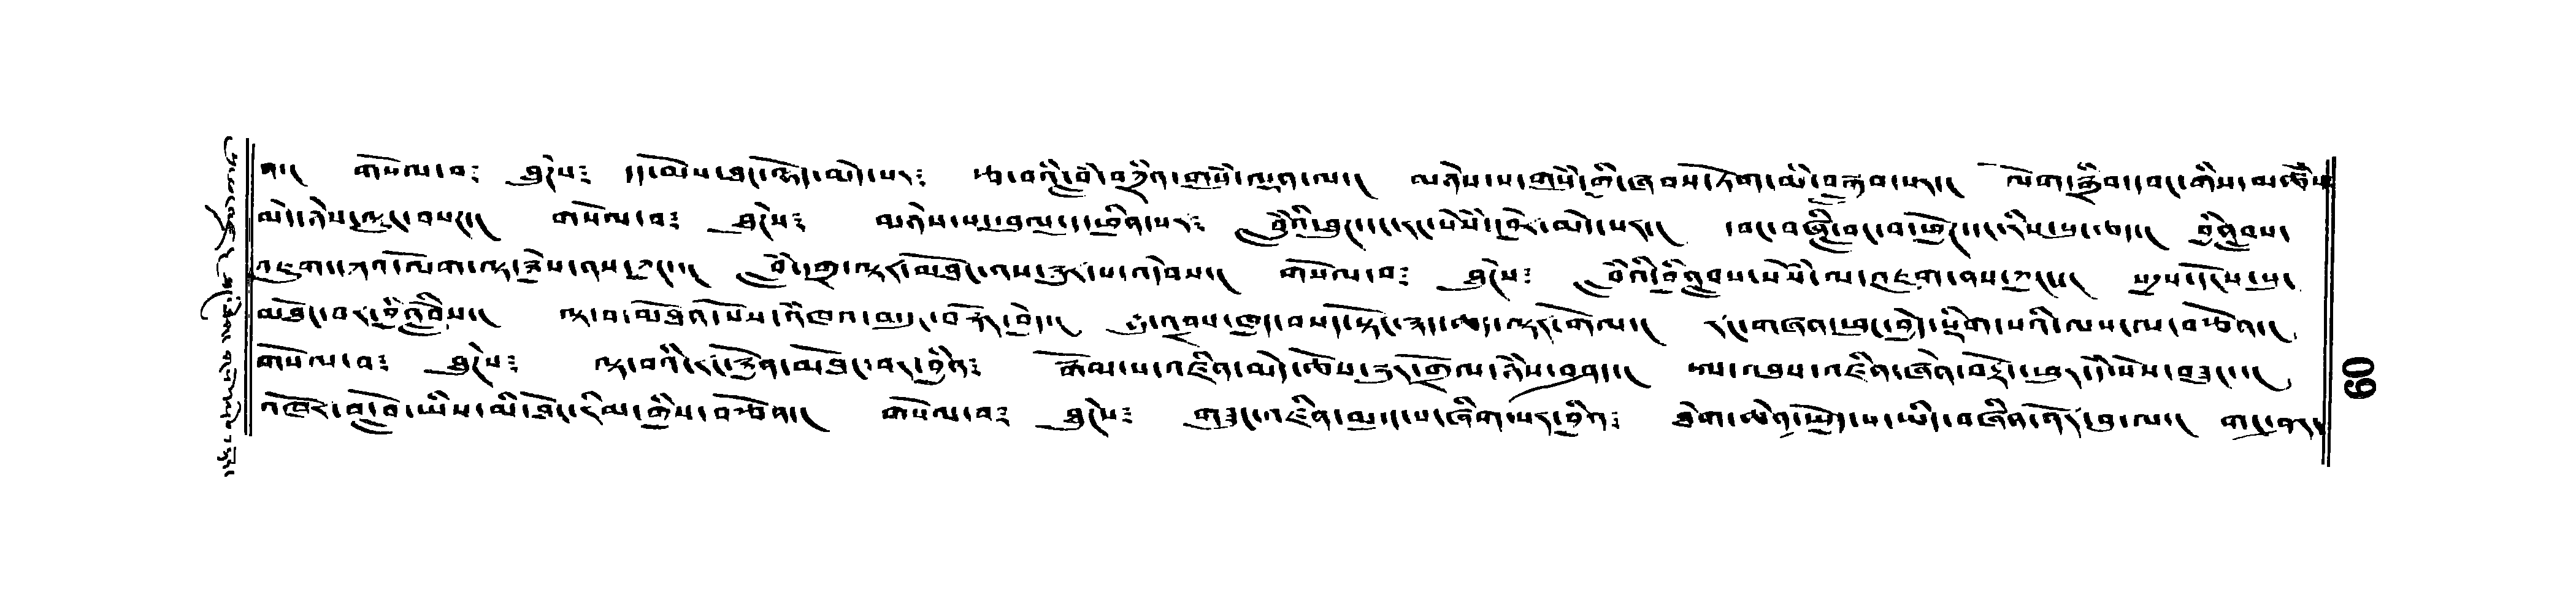ན། །གསོལ་བ༴ ཐུགས་རྗེས༴ དད་མོས་ཐང་ལྷོད་མེད་པར༴ རྩ་བའི་བླ་མ་བཀའ་དྲིན་གསུམ་ལྡན་ལ། །མཉེས་པ་གསུམ་གྱི་ཞབས་ཏོག་མི་བསྒྲུབ་པར། །ལོག་སྒྲིབ་དབང་གིས་མཚམས་
མེད་ཉེས་ལྟུང་བསགས། །གསོལ་བ༴ ཐུགས་རྗེས༴ མཉེས་པ་ཕུལ་དུ་ཕྱིན་པར༴ བླ་མའི་ཐུགས་དང་རང་སེམས་དབྱེར་མེད་པར། །དབང་བཞི་བླང་བ་ཕྱོགས་དང་རིས་སུ་ཆད། །བྱིན་རླབས་
འཇུག་དཀའ་ལོག་ལྟ་སྐྱེས་ནས་ཀྱང་། །བླ་མ་དགྲ་ལྟར་མཐོང་ནས་སྐུར་པ་འདེབས། །གསོལ་བ༴ ཐུགས་རྗེས༴ བླ་མའི་བྱིན་རླབས་སེམས་ལ་འཇུག་ནས་ཀྱང་། །སངས་རྒྱས་དངོས་སུ་
མཐོང་བར་བྱིན་གྱིས་རློབས། །ལྟ་བ་མཐོན་པོས་ནམ་མཁའ་མདུང་བསྐོར་བྱེད། །རྒྱུ་འབྲས་ཁྱད་གསོད་སྟོང་སྐད་ཆད་ལྟར་གོལ། །རང་གཞན་ཕུང་བྱེད་སྡིག་པའི་ལས་ལ་བརྩོན། །
གསོལ་བ༴ ཐུགས་རྗེས༴ ལྟ་བའི་རང་སྐྱོན་མཐོང་བར་བྱིན༴ སྒོམ་པ་འཛིན་མེད་ཆོས་སྐུར་གྲོལ་སྙམ་བཤད། །ཨ་འཐས་འཛིན་ཞེན་བརྟོད་ཕུར་དམ་པོས་བཟུང་། །
འཁོར་བ་བློ་ཡིས་མི་ཐོངས་རིམ་གྱིས་བརྩོན། །གསོལ་བ༴ ཐུགས་རྗེས༴ གཟུང་འཛིན་མདུད་པ་ཞིག་པར་བྱིན༴ ཐེག་ཆེན་སྤྱོད་པ་ཡིད་བཞིན་ནོར་བུ་ལ། །གང་ཤར་